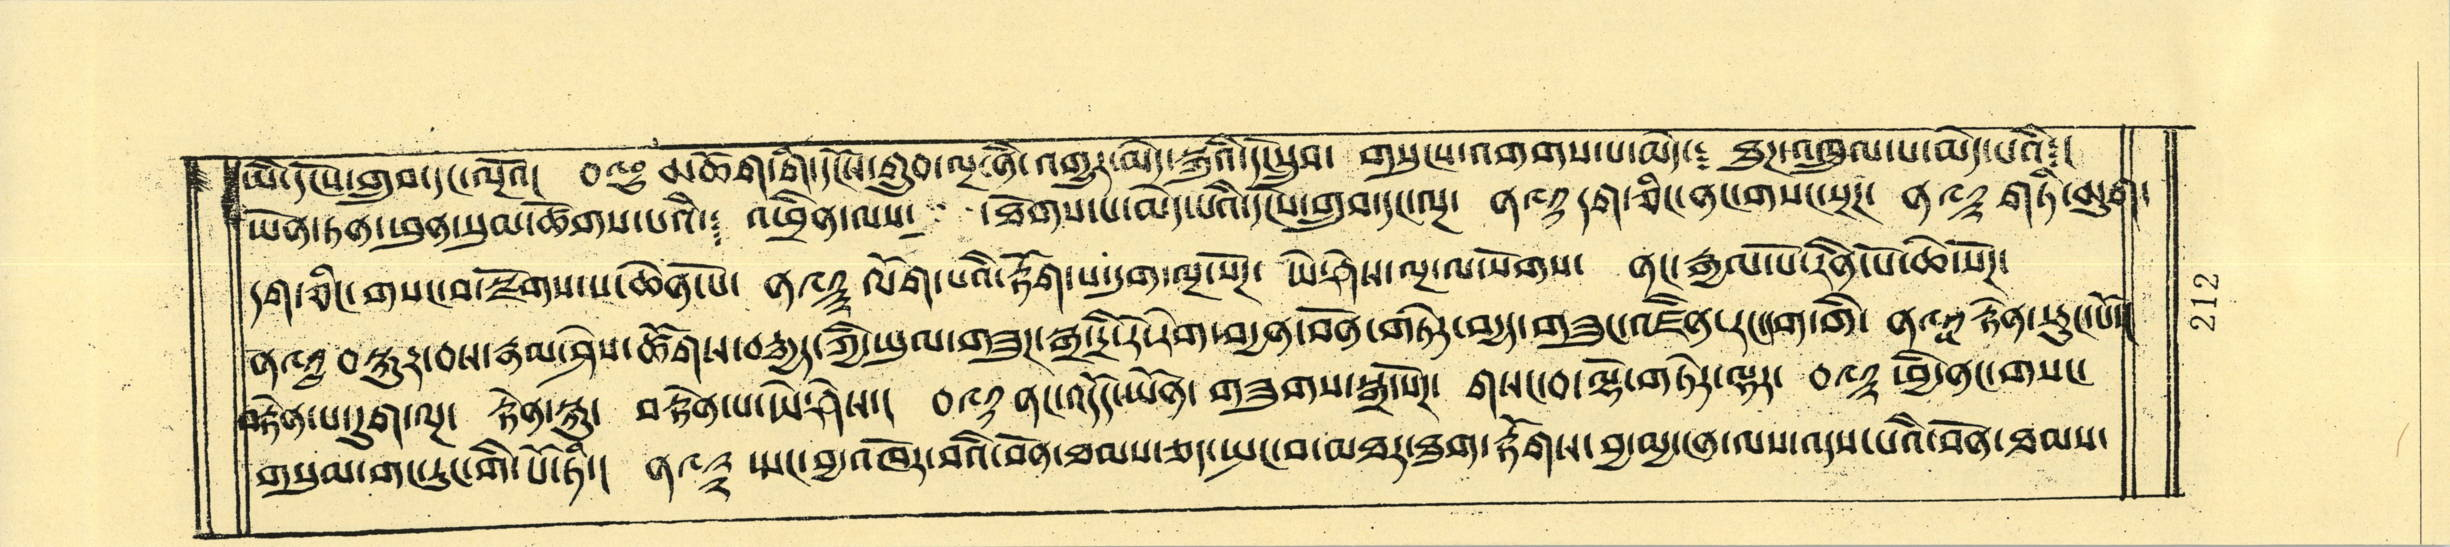ཡི་དངོས་གྲུབ་དང་ལྔའོ། བ༩༠།༦ ༼མཆོག་གི་དངོས་གྲུབ་༽ལྔ་ནི་འགྱུར་མེད་སྐུའི་དངོས་གྲུབ། གསུངས་འགགས་པ་མེད་་་། ཐུགས་འཁྲུལ་པ་མེད་པའི་་་། 
ཡོན་ཏན་ཕུན་སུམ་ཚོགས་པའི་་་། འཕྲིན་ལས་ཐོག་པ་མེད་པའི་དངོས་གྲུབ་དང་ལྔ། ན༩༡།༡ ༼དག་ཅིང་༽ནང་གསང་སྔགས་ན༩༡།༢ ༼གཏི་མུག་
དག་ཅིང་༽གསང་བ་སྫོགས་པ་ཆེན་པོ། ན༩༡།༣ ༼ལོག་༽པའི་ ༼རྟོག་༽པ་དུག་ལྔ་སོགས། ༼ཡེ་ཤེས་༽ལྔ་ལ་སོགས། ནང་རྒྱལ་པོ་རིན་པོ་ཆེ་སོགས་
ན༩༡།༤ ༼བསྐུར་བས་༽རྣམ་ཤེས་ ༼ཚོགས་བརྒྱད་༽ཀྱི་ཡུལ་གཟུགས་སྒྲ་དྲི་རོ་རེག་བརྒྱན་བོན་གཏེར་བརྒྱད་གཟུང་འཛིན་རང་དག་གི། ན༩༡།༥ ༼རྟེན་ཕུང་པོ་
བརྟེན་པ་ ༼དུག་ལྔ་༽རྟེན་ ༼སྐུ་༽བརྟེན་པ་ ༼ཡེ་ཤེས་༽བ༩༡།༡ ནང་ ༼འདོད་ཡོན་༽གཟུགས་སྒྲ་སོགས། ༼གསང་བ་༽ལྷོ་གཏེར་ལྟར་བ༩༡།༢ ཕྱི་ནང་གསང་
གསུམ་གང་རུང་གི་ ༼པོ་ཏི།༽ན༩༢།༢ སྤང་བྱ་འཁོར་བའི་བོན་ཐམས་ཅད་སྤང་བ་མཐར་ཐུག་ ༼རྟོགས་༽བྱ་མྱ་ངན་ལས་འདས་པའི་བོན་ཐམས་